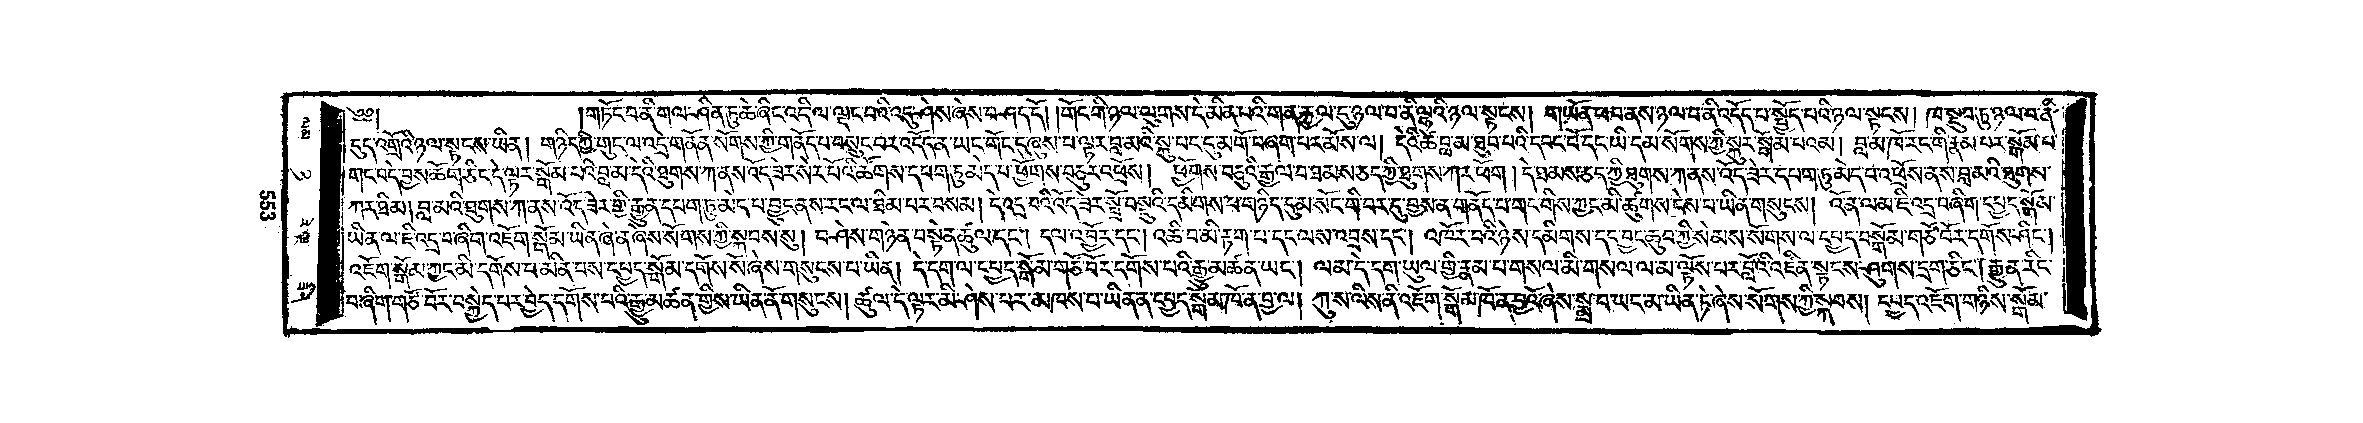༄༅། །གཏོང་བ་ནི་གལ་ཤིན་ཏུ་ཆེ་ཞིང་འདི་ལ་ལྡང་བའི་འདུ་ཤེས་ཞེས་བཤད་དོ། །གོང་གི་ཉལ་ལུགས་དེ་མིན་པའི་གན་རྐྱལ་དུ་ཉལ་བ་ནི་ལྷའི་ཉལ་སྟངས། གཡོན་ཕབ་ནས་ཉལ་བ་ནི་འདོད་པ་སྤྱོད་པའི་ཉལ་སྟངས། ཁ་སྡུབ་ཏུ་ཉལ་བ་ནི་
དུད་འགྲོའི་ཉལ་སྟངས་ཡིན། གཉིད་ཀྱི་གུང་ལ་འདྲེ་གནོན་སོགས་ཀྱི་གནོད་པ་བསྲུང་བར་འདོད་ན་ཡང་གོང་དུ་ཞུས་པ་ལྟར་བླ་མའི་སྐུ་པང་དུ་མགོ་བཞག་པར་མོས་ལ། དེའི་ཚེ་བླ་མ་ཐུབ་པའི་དབང་པོ་དང་ཡི་དམ་སོགས་ཀྱི་སྐུར་སྒོམ་པའམ། བླ་མ་ཁོ་རང་གི་རྣམ་པར་སྒོམ་པ་
གང་བདེ་བྱས་ཆོག་ཅིང་དེ་ལྟར་སྒོམ་པའི་བླ་མ་དེའི་ཐུགས་ཀ་ནས་འོད་ཟེར་སེར་པོའི་ཚོགས་དཔག་ཏུ་མེད་པ་ཕྱོགས་བཅུར་འཕྲོས། ཕྱོགས་བཅུའི་རྒྱལ་བ་ཐམས་ཅད་ཀྱི་ཐུགས་ཀར་ཕོག །དེ་ཐམས་ཅད་ཀྱི་ཐུགས་ཀ་ནས་འོད་ཟེར་དཔག་ཏུ་མེད་པ་འཕྲོས་ནས་བླ་མའི་ཐུགས་
ཀར་ཐིམ། བླ་མའི་ཐུགས་ཀ་ནས་འོད་ཟེར་གྱི་རྒྱུན་དཔག་ཏུ་མེད་པ་བྱུང་ནས་རང་ལ་ཐིམ་པར་བསམ། དེ་འདྲ་བའི་འོད་ཟེར་སྤྲོ་བསྡུའི་དམིགས་པ་གཉིད་དུ་མ་སོང་གི་བར་དུ་བྱས་ན་གནོད་པ་གང་གིས་ཀྱང་མི་ཚུགས་ངེས་པ་ཡིན་གསུངས། འོ་ན་ལམ་ཇི་འདྲ་བ་ཞིག་དཔྱད་སྒོམ་
ཡིན་ལ་ཇི་འདྲ་བ་ཞིག་འཇོག་སྒོམ་ཡིན་ཞེ་ན་ཞེས་སོགས་ཀྱི་སྐབས་སུ། བཤེས་གཉེན་བསྟེན་ཚུལ་དང་། དལ་འབྱོར་དང་། འཆི་བ་མི་རྟག་པ་དང་ལས་འབྲས་དང་། འཁོར་བའི་ཉེས་དམིགས་དང་བྱང་ཆུབ་ཀྱི་སེམས་སོགས་ལ་དཔྱད་བསྒོམ་གཙོ་བོར་དགོས་ཤིང་།
འཇོག་སྒོམ་ཀྱང་མི་དགོས་པ་མིན་པས་དཔྱད་སྒོམ་དགོས་སོ་ཞེས་གསུངས་པ་ཡིན། དེ་དག་ལ་དཔྱད་སྒོམ་གཙོ་བོར་དགོས་པའི་རྒྱུ་མཚན་ཡང་། ལམ་དེ་དག་ཡུལ་གྱི་རྣམ་པ་གསལ་མི་གསལ་ལ་མ་ལྟོས་པར་བློའི་འཛིན་སྟངས་ཤུགས་དྲག་ཅིང་། རྒྱུན་རིང་
བ་ཞིག་གཙོ་བོར་བསྐྱེད་པར་བྱེད་དགོས་པའི་རྒྱུ་མཚན་གྱིས་ཡིན་ནོ་གསུངས། ཚུལ་དེ་ལྟར་མི་ཤེས་པར་མཁས་པ་ཡིན་ན་དཔྱད་སྒོམ་ཁོ་ན་བྱ་ལ། ཀུ་ས་ལིས་ནི་འཇོག་སྒོམ་ཁོ་ན་བྱའོ་ཞེས་སྨྲ་བ་ཡང་མ་ཡིན་ཏེ་ཞེས་སོགས་ཀྱི་སྐབས། དཔྱད་འཇོག་གཉིས་སྒོམ་